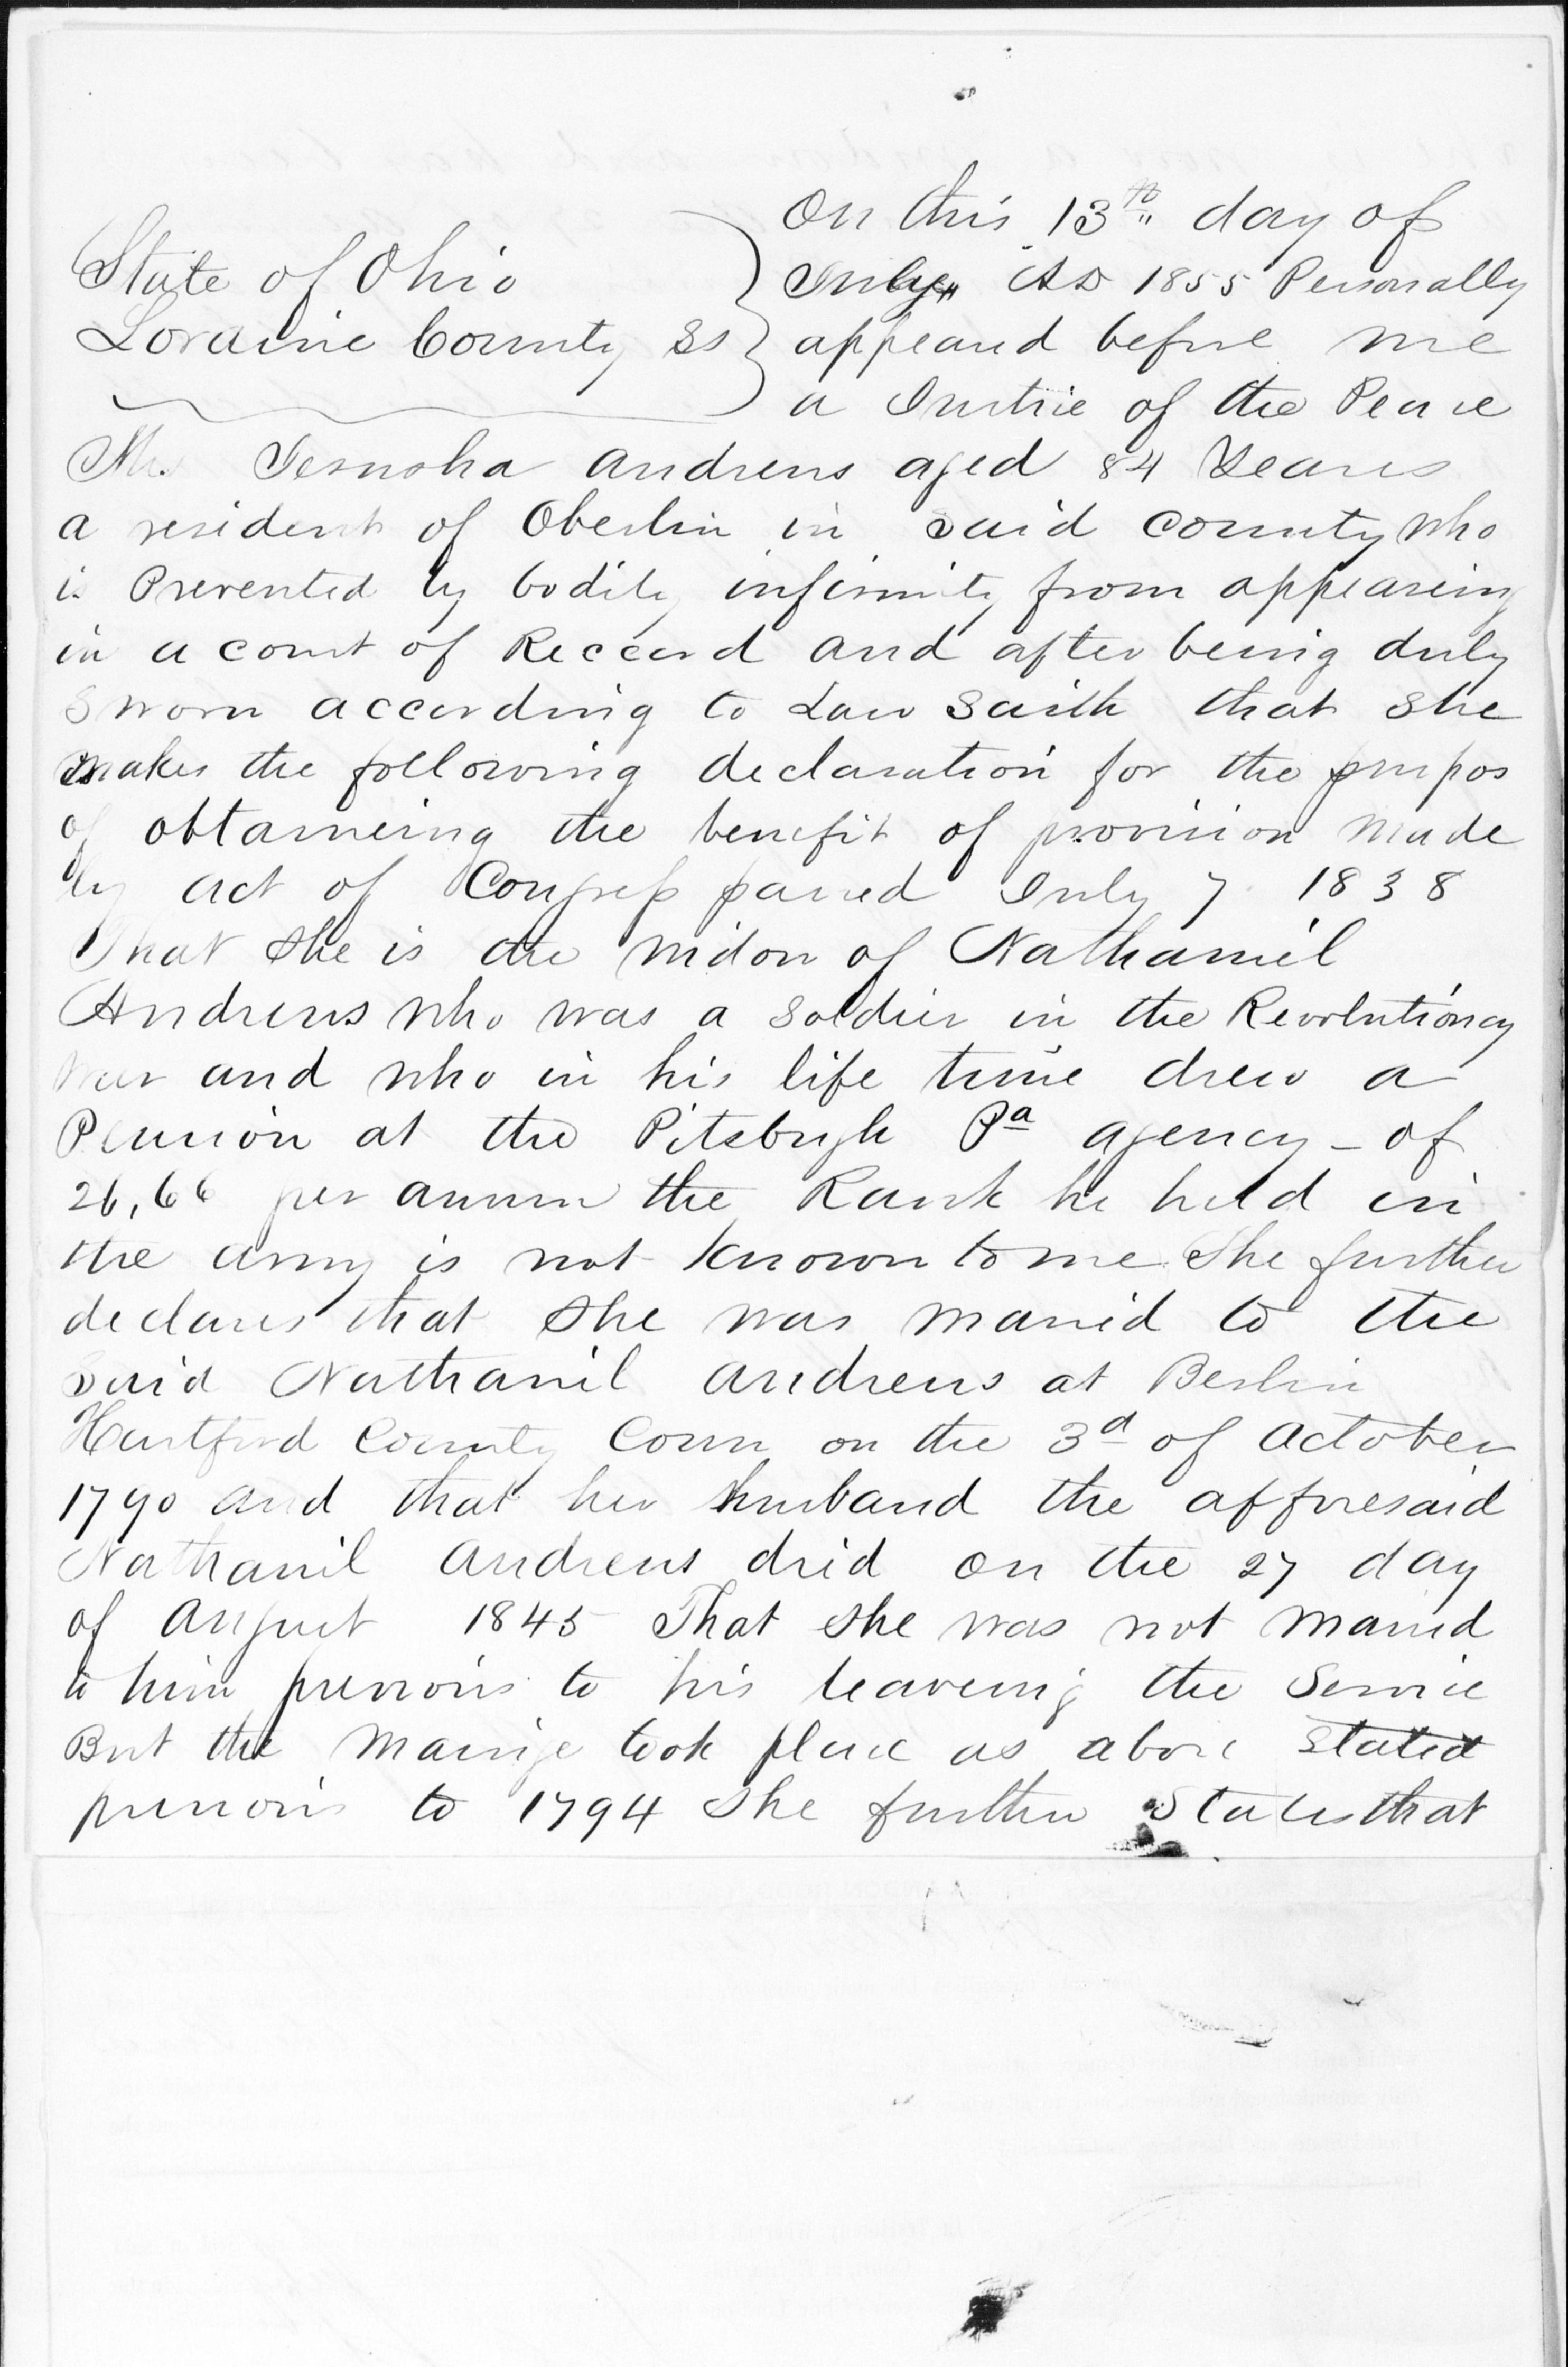State of Ohio
Loraine County 
On this 13th day of
July AD 1855 Personally
appeared before me
a Justice of the Peace
Mrs. Jerusha Andrews aged 84 years
a resident of Oberlin in said County who
is prevented by bodily infirmity from appearing
in a court of Record and after being duly
sworn according to Law Saith that she
makes the following declaration for the purpose
of obtaining the benefit of provision made
by act of Congress parred July 7 1838 
that she is the widow of Nathaniel
Andrews who was a soldier in the Revolutionary
war and who in his life time drew a
Pension at the Pitsburgh Pa agency of
26.66 per annum the Rank he held in
the army is not known to me. She further
declares that she was married to the
said Nathanil Andrews at Berlin
Hartford County Conn on the 3d of October
1790 and that her husband the afforesaid
Nathanil Andrews did on the 27 day
of August 1845 That she was not married
to him previous to his leaving the Service
But the Marriage took place as above stated
previous to 1794 she further states that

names: Nathanil Andreus, Nathanil Andreus, Jerusha Andreus, Nathaniel Andreus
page: 34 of 78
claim: widow's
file: W. 4117, Nathaniel Bradley, Conn.